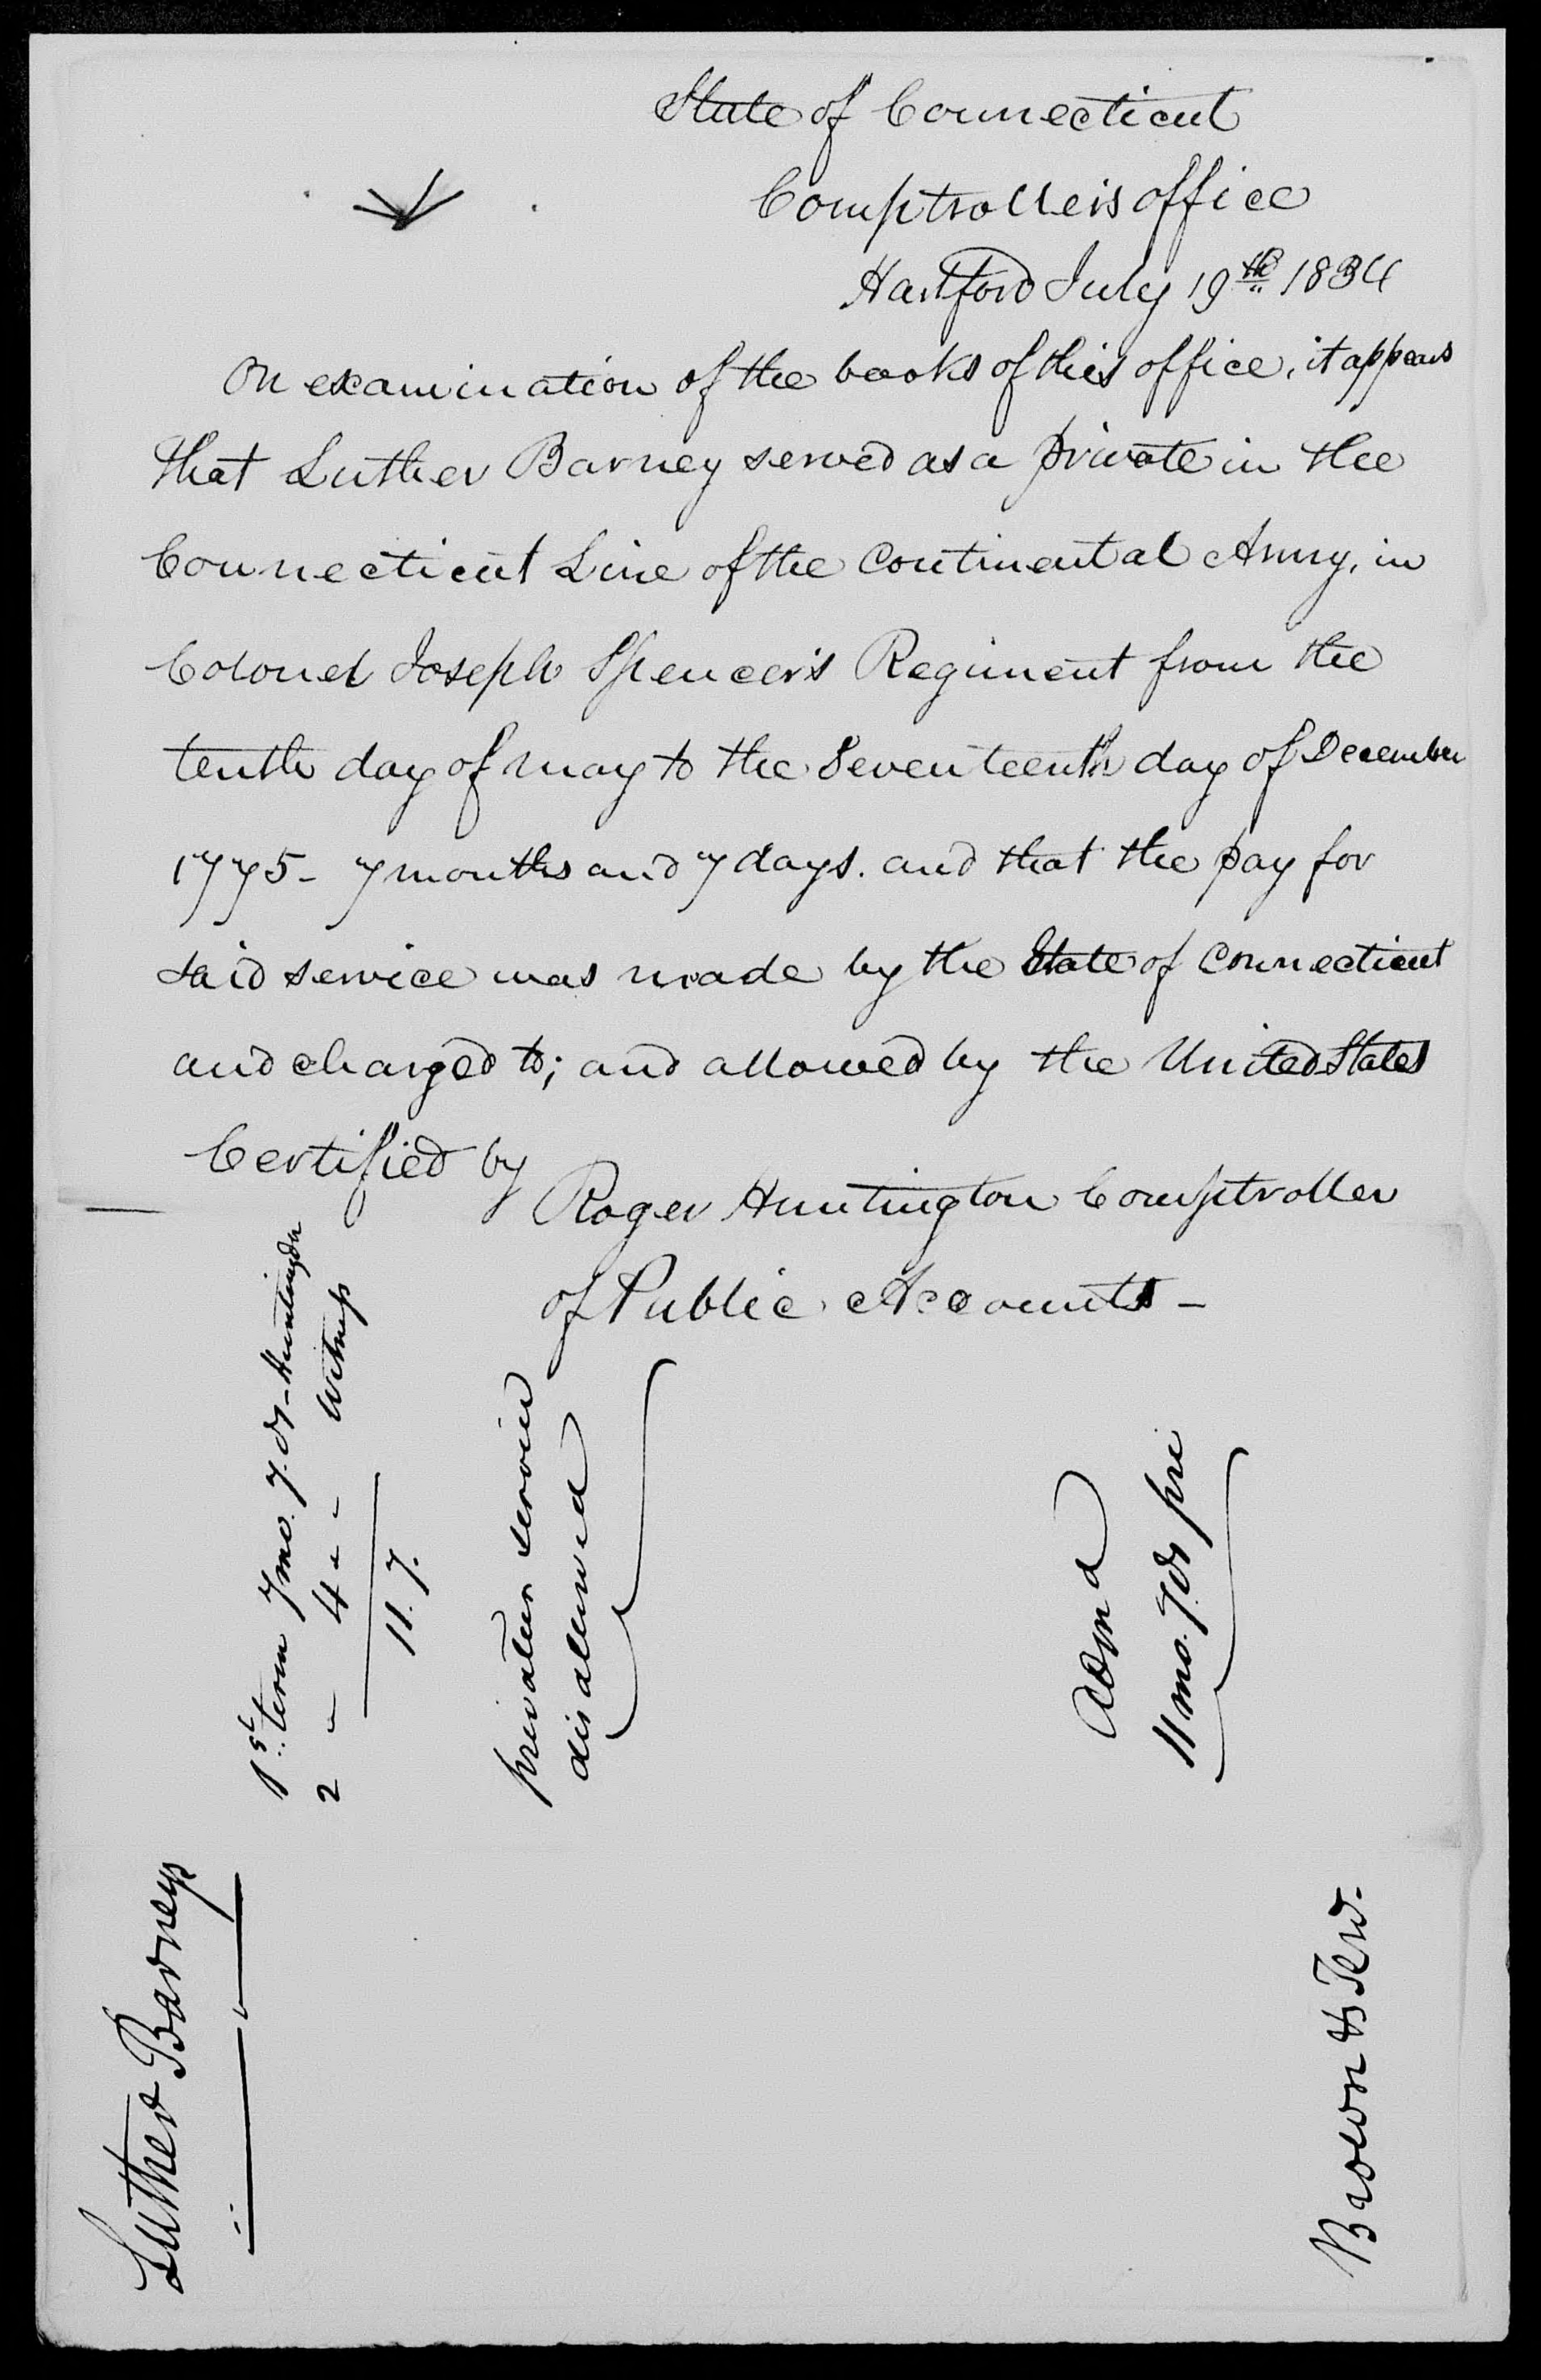State of Connecticut
Comptrollers office
Hartford July 19th 1834

On examination of the books of this office, it appears that Luther Barney served as a private in the Connecticut Line of the Continental Army, in Colonel Joseph Spencer's Regiment from the tenth day of May to the Seventeenth day of December 1775. 7 months and 7 days, and that the pay for said service was made by the State of Connecticut and charged to; and allowed by the United States
Certified by Roger Huntington Comptroller of Public Accounts.
[The following written vertically:]
Luther Barney
1st term 4 mos. 7 dy. Huntington
2 -- 4 --
---------
11.7.
privateer service disallowed
11 mos. 7 dy pri
Brown & Jew.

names: Luther Barney, Luther Barney, Roger Huntington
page: 42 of 61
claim: widow's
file: W. 4.124, Luther Barney, Conn. Privateer.